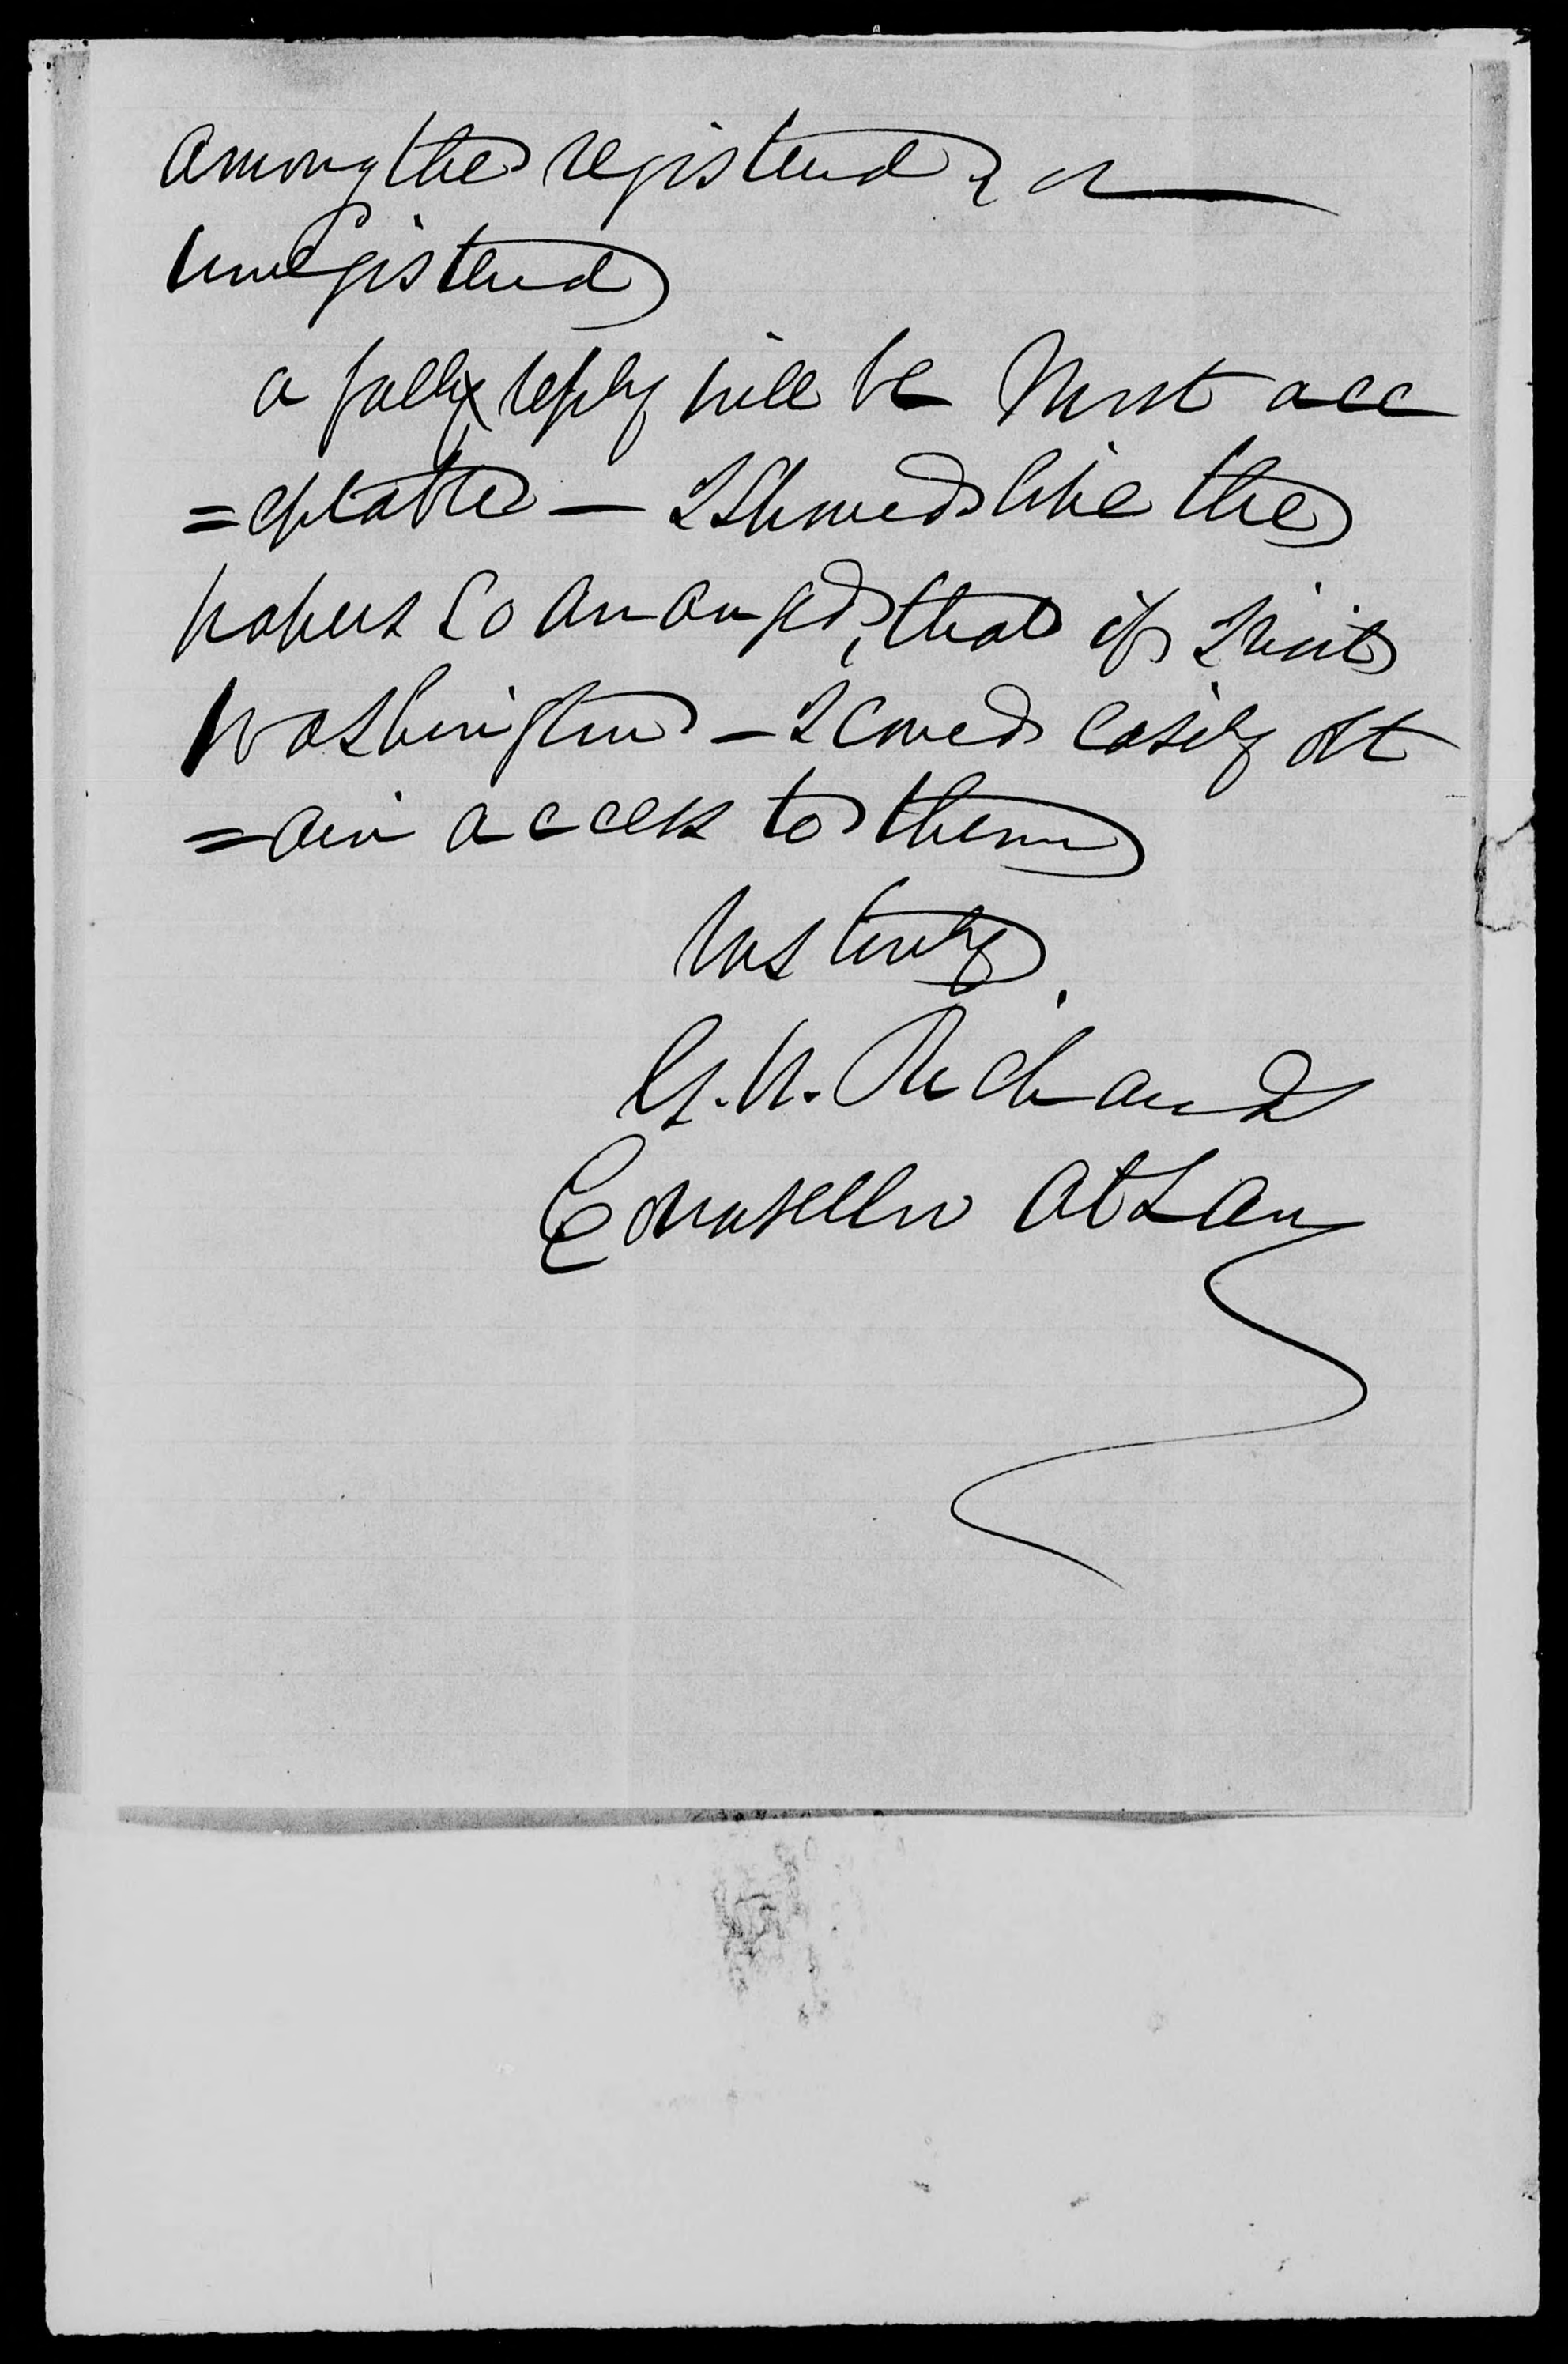among the registered or
unregistered

a fully reply will be most acceptable [illegible] like the papers Loanan, that if [illegible] Washington. I loved [illegible] [illegible]
 obtain access to them

Lasterly, 
G.H. Richards
Counsellor At Law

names: G N Richards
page: 23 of 32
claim: rejected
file: R. 2795, Jesse Dazey, Del.